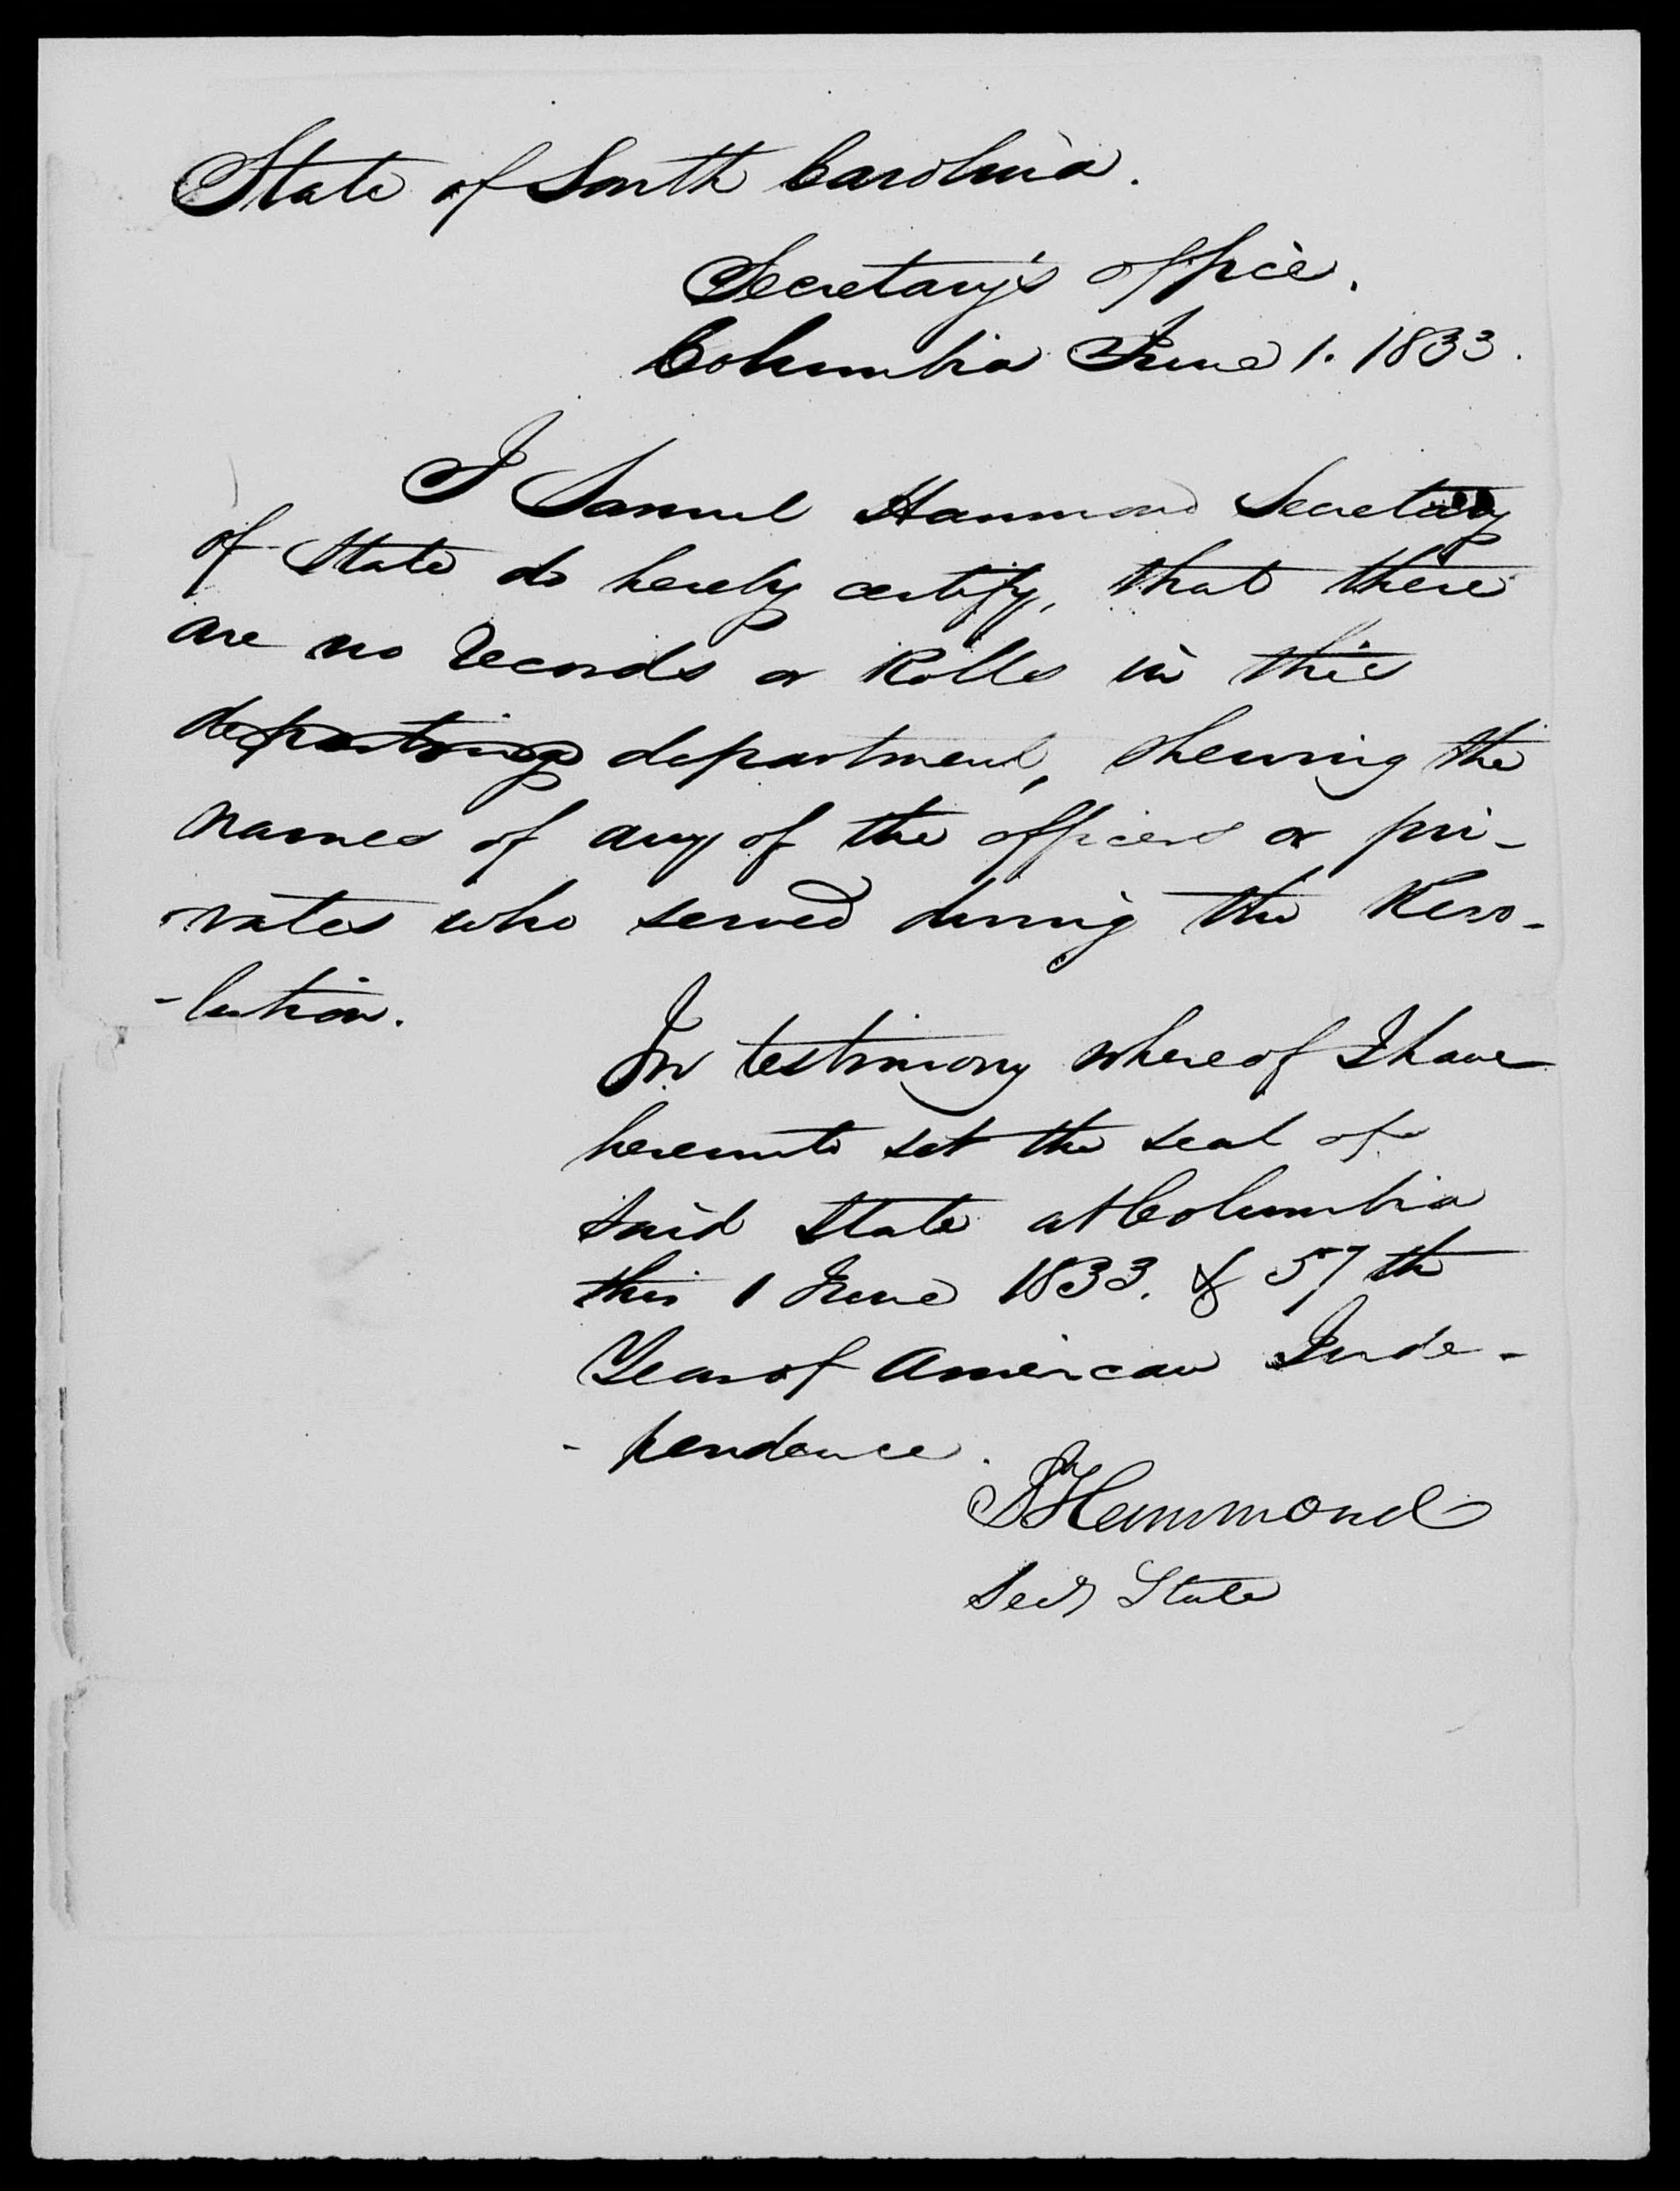State of South Carolina
Secretary's Office
Columbia June 1, 1833.
I Samuel Hammond Secretary
of State do hereby certify that there
are no records or rolls in this
department, showing the
names of any of the officers or privates
who served during the
Revolution.
In testimony whereof I have
hereunto set the seal of
said State at Columbia
this 1 June 1833 & 57th
Year of American Independence

S Hammond
Sec of State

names: Samuel Hammond, S Hammond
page: 29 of 43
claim: survivor's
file: S. 21163, Peter Dubose, S.C.